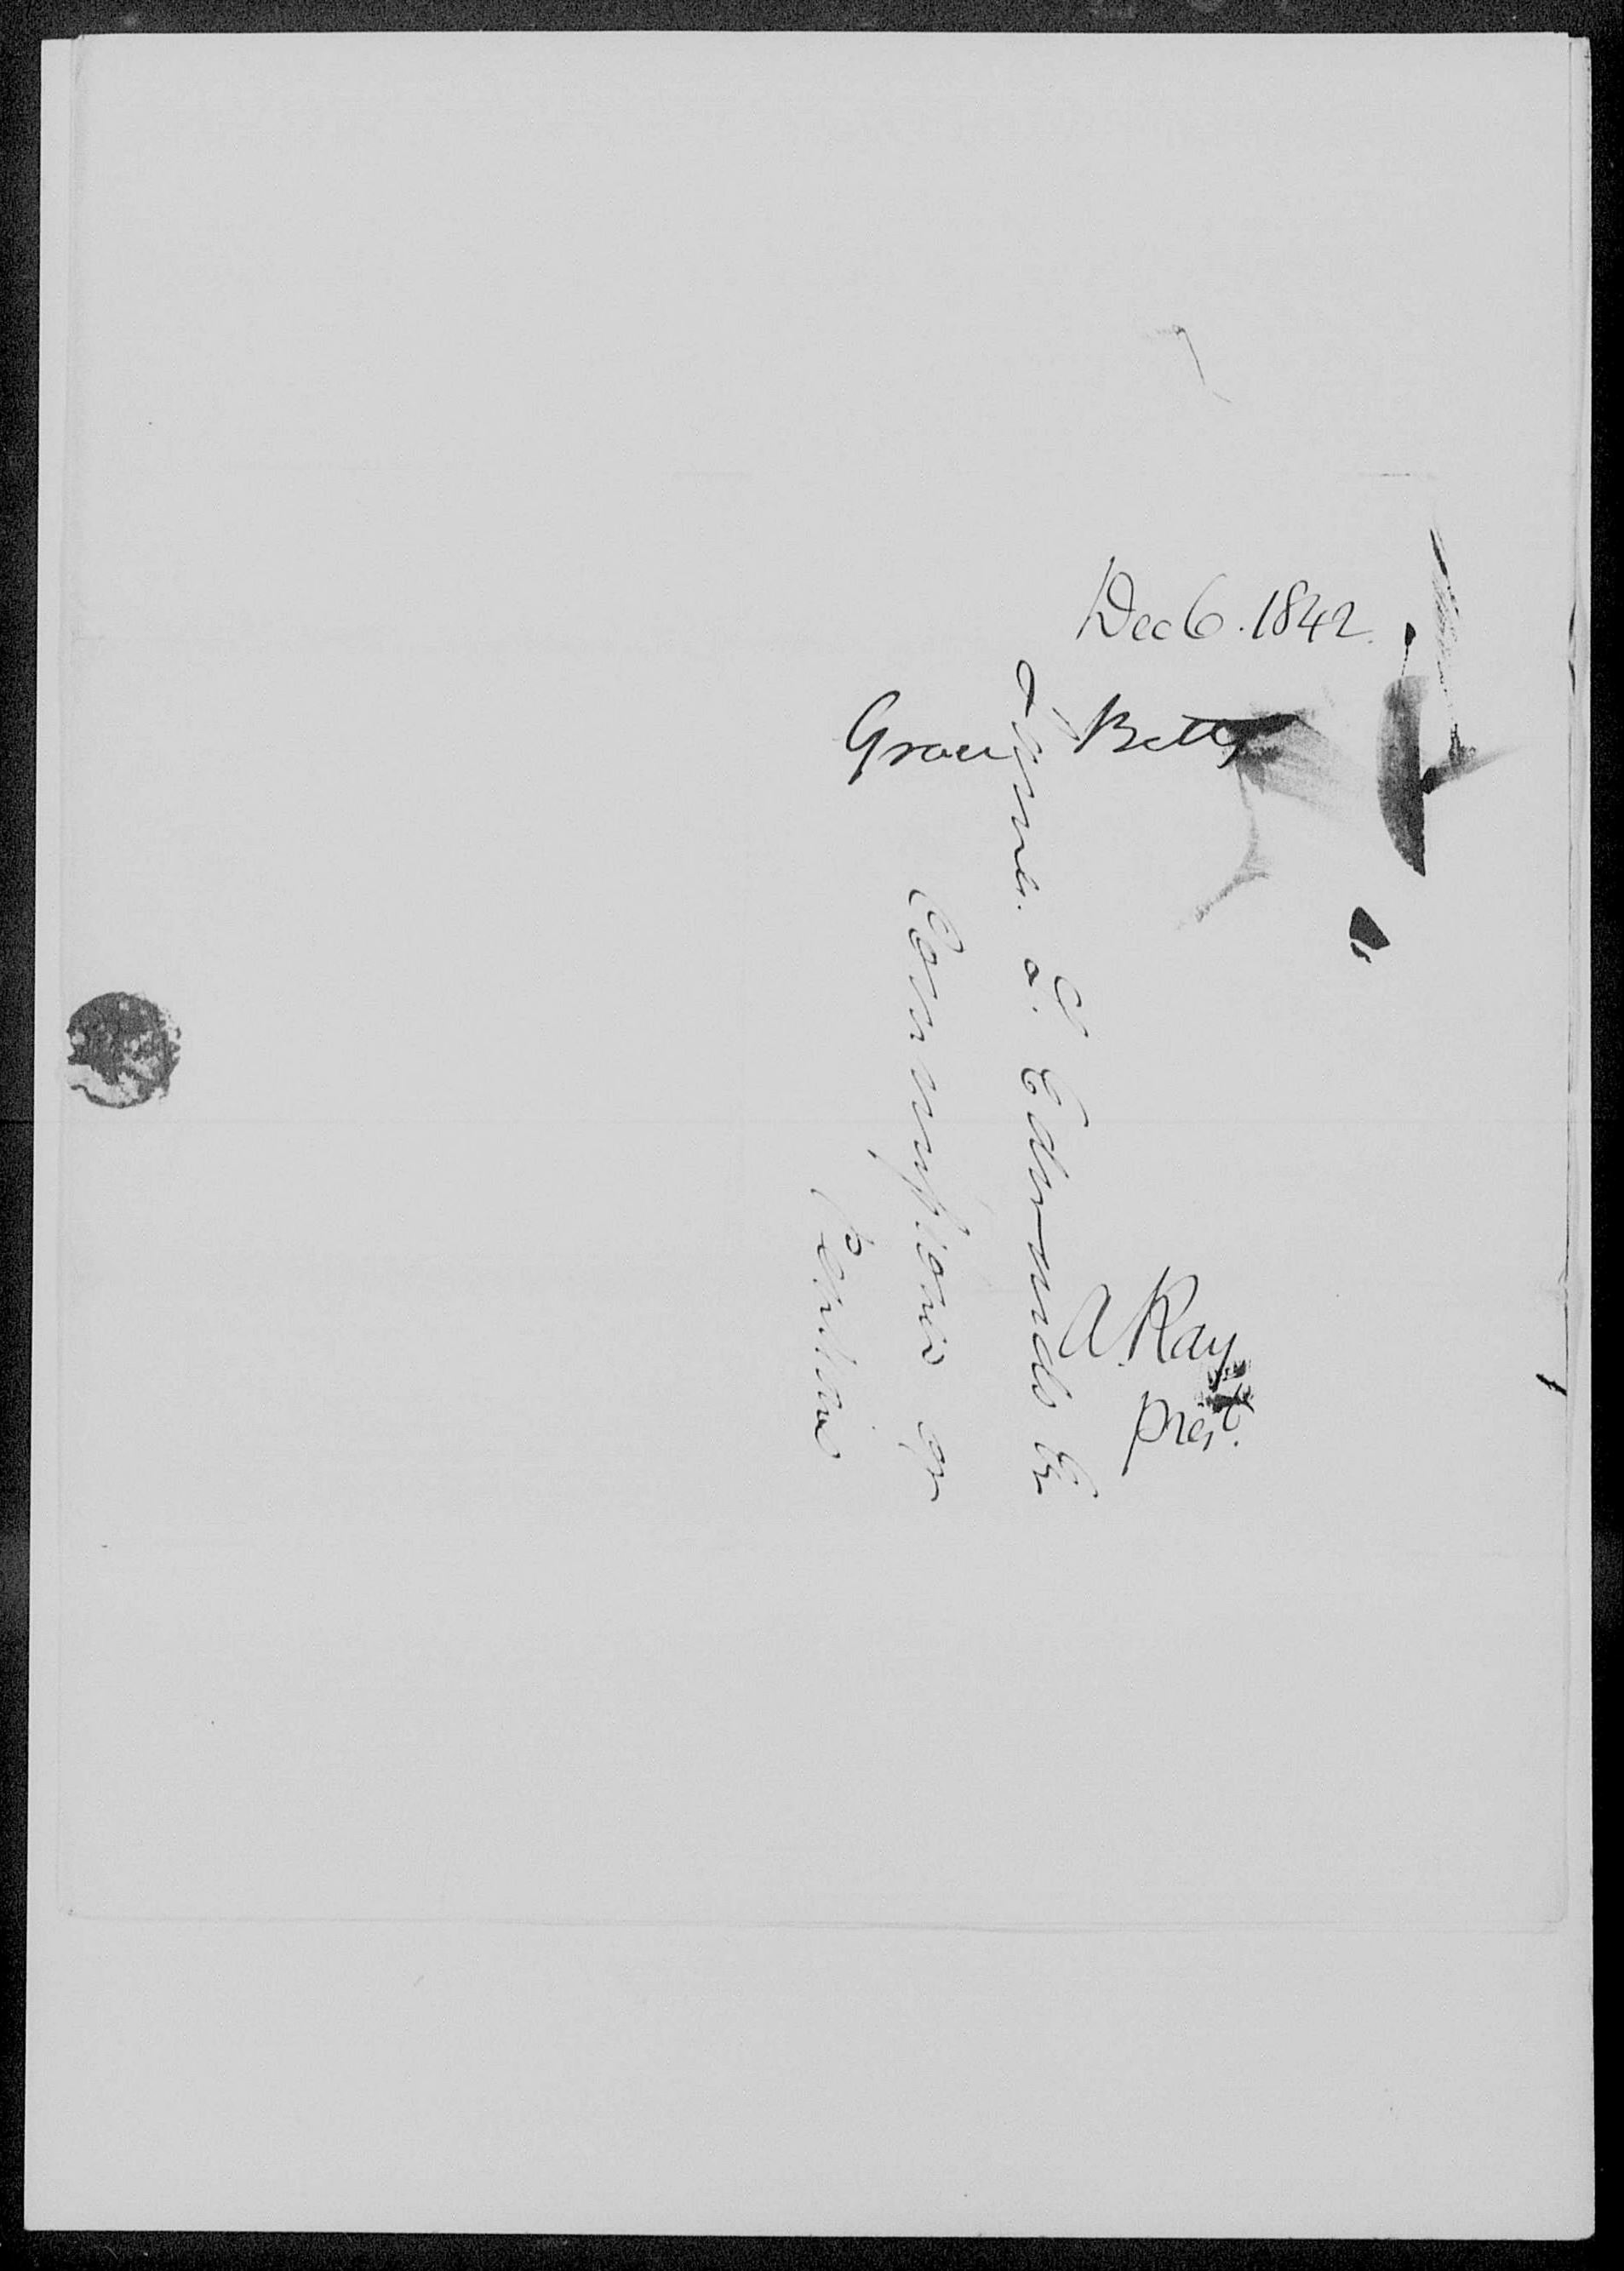Dec 6, 1842
Grace Betts

A Ray 
prest


James L. Edwards Esq
Commissioner of Pensions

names: James L Edwards, Grace Betts, A Ray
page: 57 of 61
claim: widow's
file: W. 29,929, Hezekiah Betts, Conn.